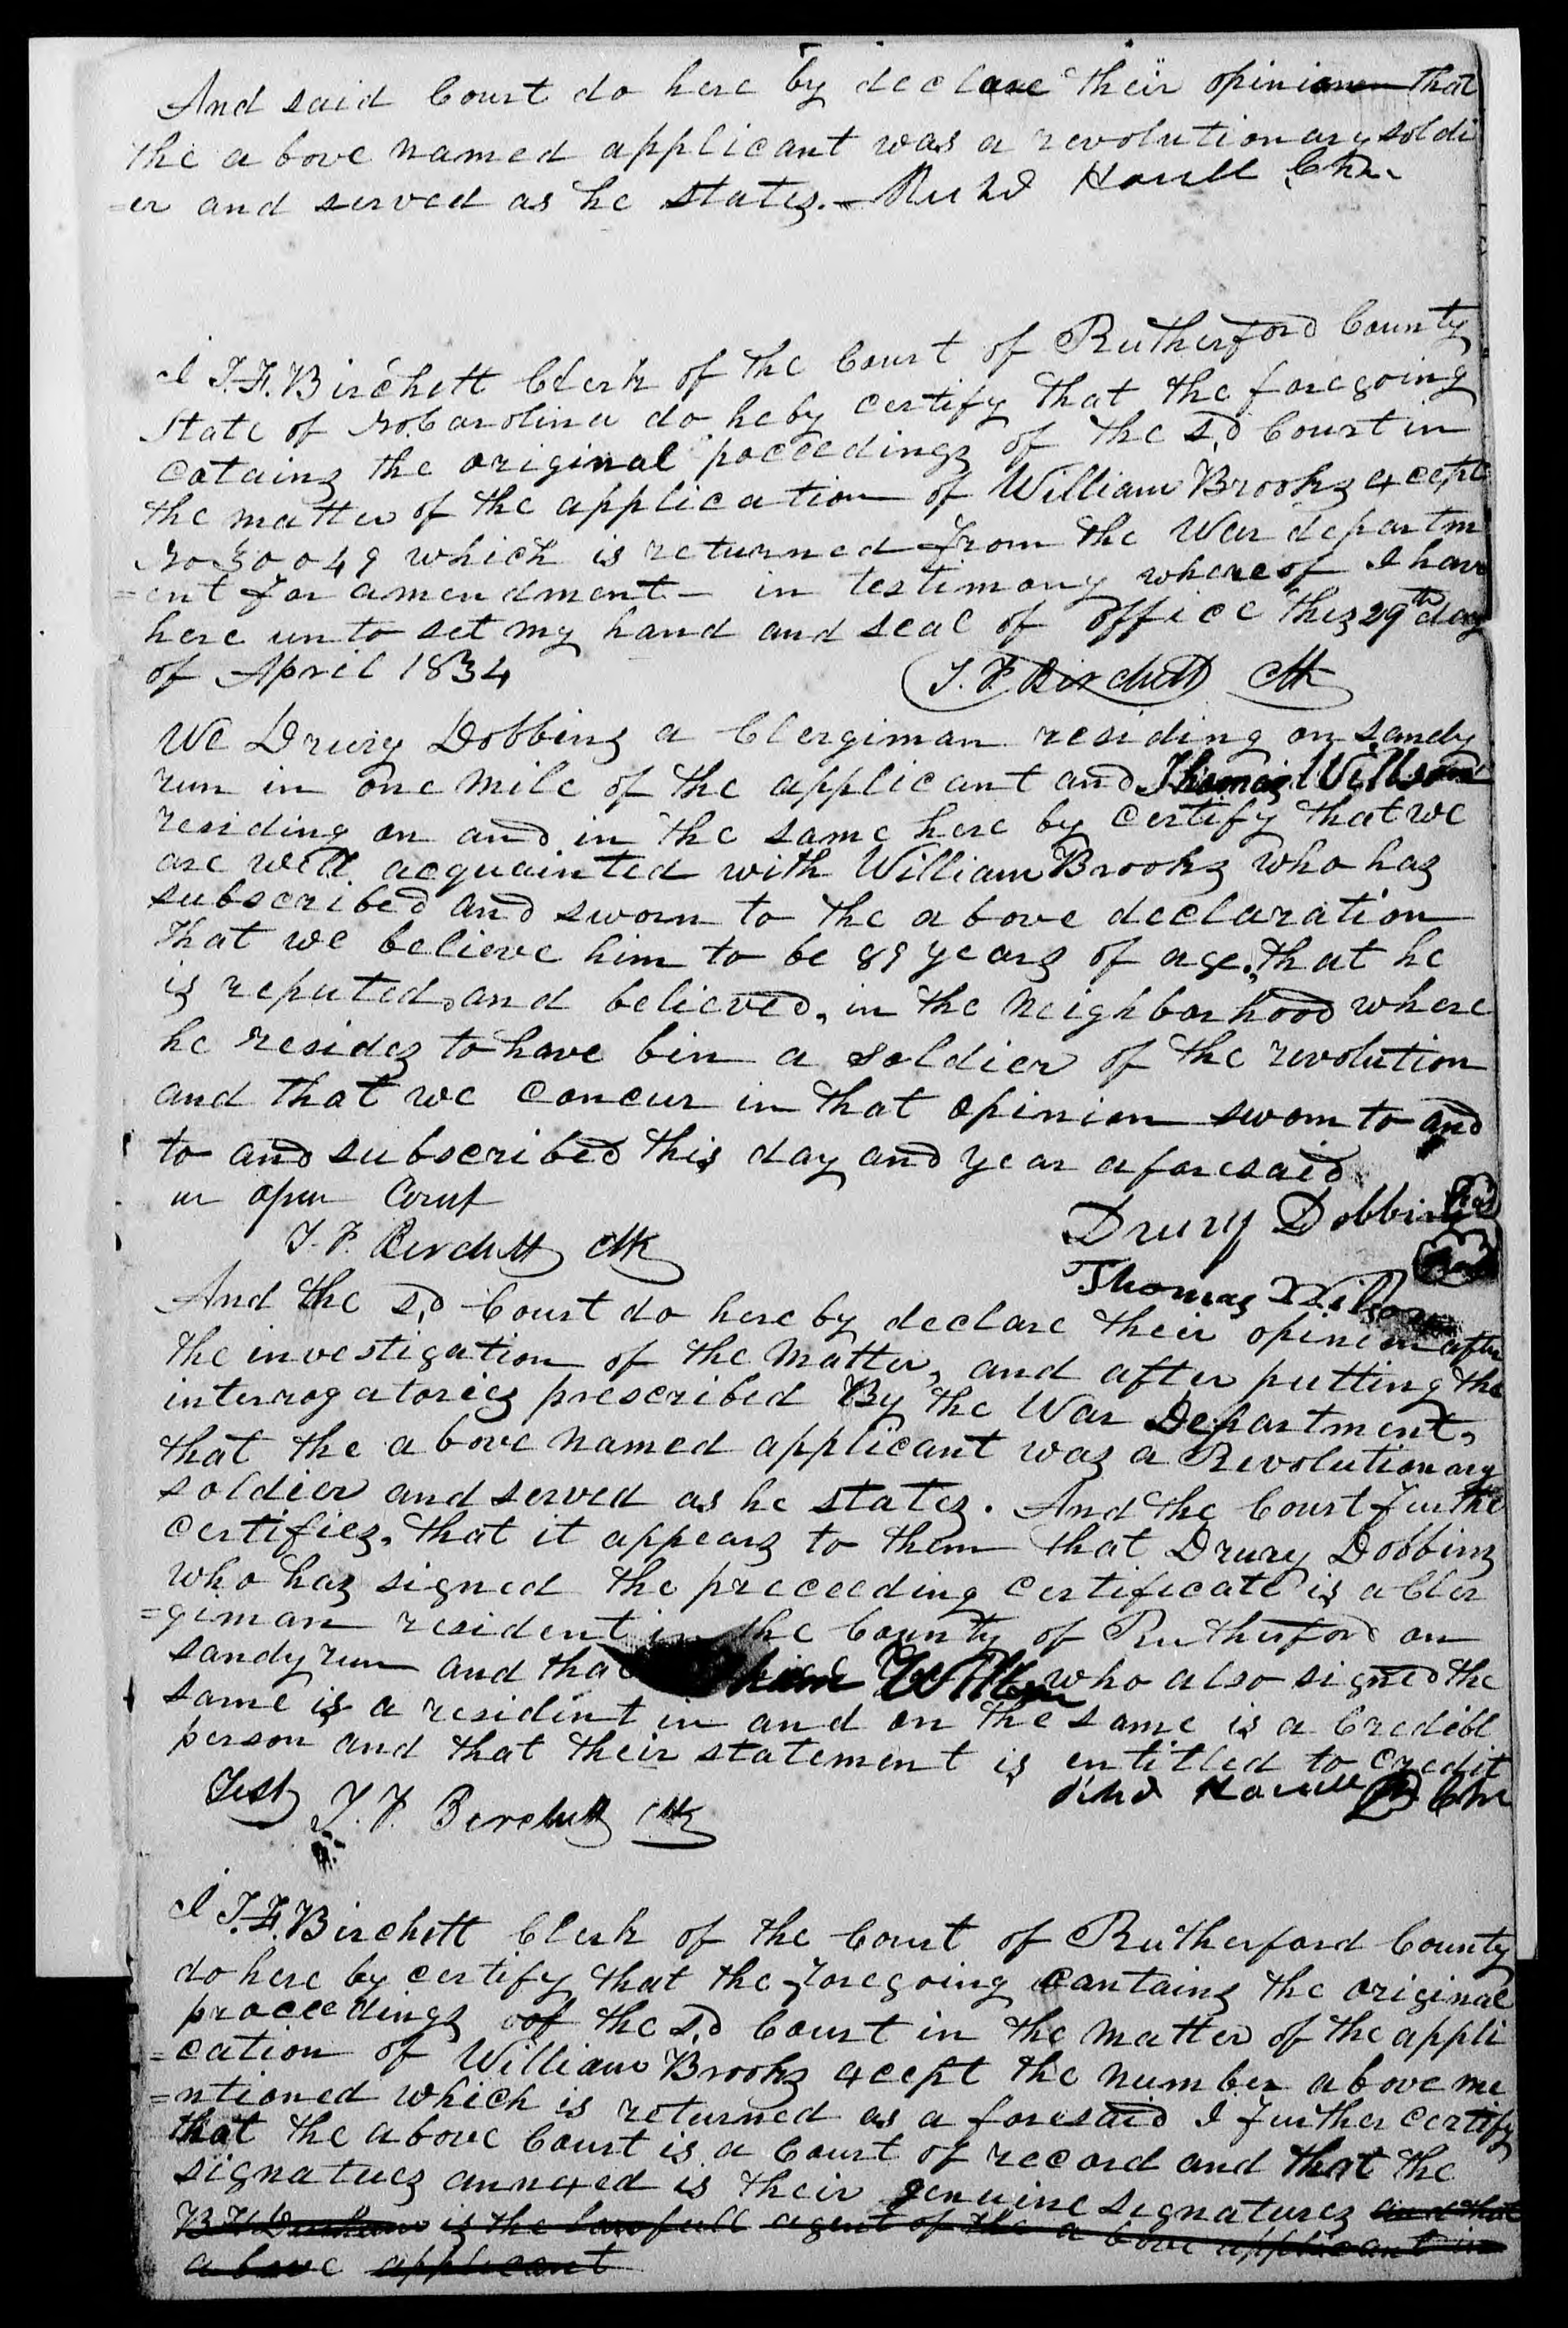And said Court do hereby declare their opinion that the above named applicant was a revolutionary soldier and served as he states. Richd Harrell Clk
TJ. F. Birchett Clerk of the Court of Rutherford County State of No. Carolina do herby certify that the foregoing contains the original proceedings of the said court the matter of the application of William Brooks except No 30849 which is returned from the war department for amendment __ in testimony whereof I have
hereunto set my hand and seal of office this 29th day of April 1834
T. F. Birchett  Clk

We Drury Dobbins a Clergiman residing on Sandy run in one mile of the applicant and Thomas Wilhem residing on and in the same hereby certify that we are well acquainted with William Brooks who has subscribed and sworn to the above declaration That we believe him to be 89 years of age, that he is reputed and believed, in the neighborhood where he resides to have been a soldier of the revolution  
and that we concur in that opinion sworn to and to and subscribed this day and year aforesaid in open Court 
Drury Dobbins
Thomas Wilhem
J.P. Burdett Clk

And the said Court do hereby declare
the investigation of the matter, and after putting the interrogatories prescribed by the War Department, that the above named applicant was a Revolutionary soldier and served as he states. And the Court further 
certifies, that it appears to them that Drury Dobbins who has signed the preceeding certificate is a Clergeman resident in the 
County of Rutherford on Sandy Run and that Thomas Wilhem who also signed the same
is a resident in and on the same is a credible
person and that their statement is entitled to 
credit
Test T. F.. Birchett
Rihd Harrell
J. F. Birchett Clerk of the Court of Rutherford County do hereby certify that the foregoing contains the original proceedings of the said Court in the matter of the application of William Brooks except the number above mentioned which is returned as aforesaid I further certify that the above Court is a Court of record and that the signatures annexed is their genuine signatures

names: William Brooks, Rhd Harrell, Thomas Wilhem, T F Birchett, Richd Harrell, T F Birchett, Drury Dobbins, T F Birchett, Drury Dobbins, William Brooks, T F Birchett, T F Birchett, Thomas Wilhem, William Brooks, Wilhem, Drury Dobbins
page: 5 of 17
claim: survivor's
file: S. 6717, William Brooks, Md. N.C.